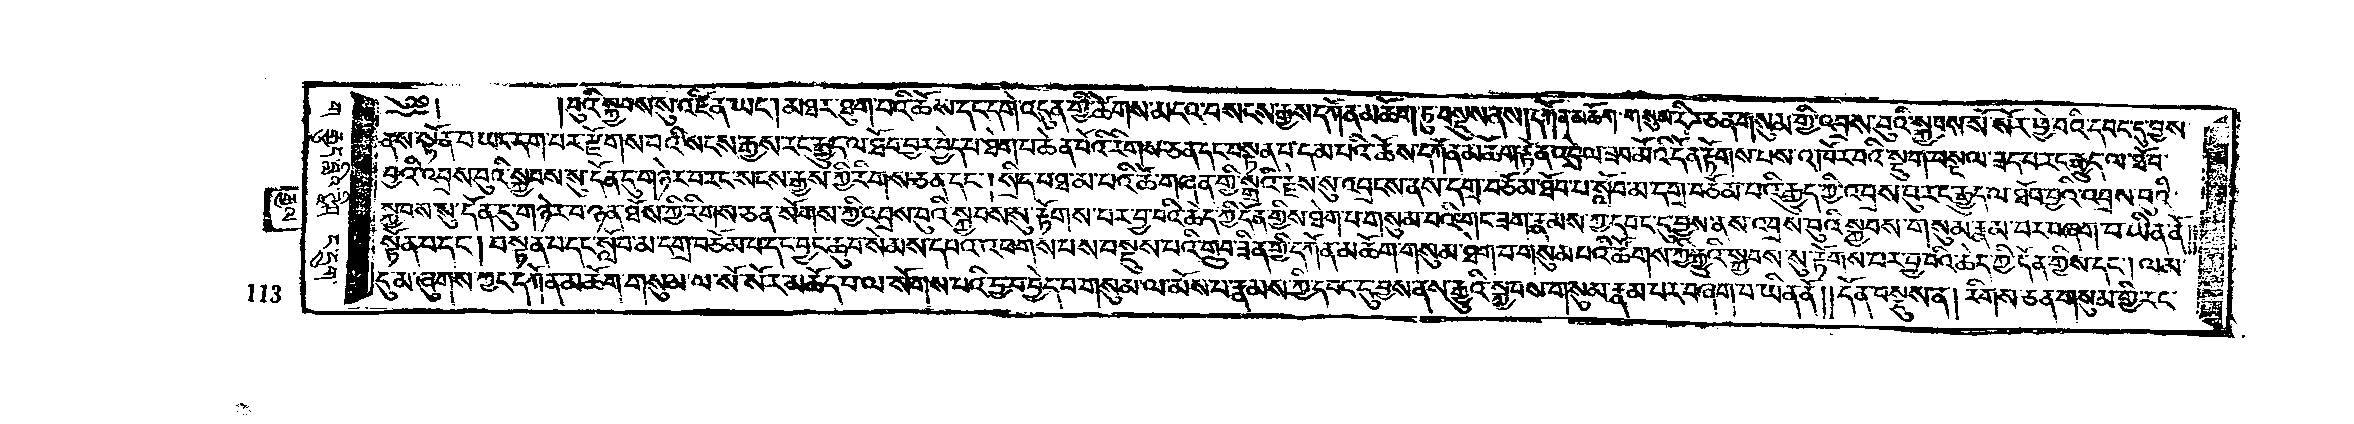༄༅། །བུའི་སྐྱབས་སུ་འཛིན་ཡང་། མཐར་ཐུག་པའི་ཆོས་དང་དགེ་འདུན་གྱི་ཚོགས་མངའ་བ་སངས་རྒྱས་དཀོན་མཆོག་ཏུ་བསྡུས་ནས། དཀོན་མཆོག་གསུམ་རིགས་ཅན་གསུམ་གྱི་འབྲས་བུའི་སྐྱབས་སོ་སོར་ཕྱེ་བའི་དབང་དུ་བྱས་
ནས་སྟོན་པ་ཡང་དག་པར་རྫོགས་པའི་སངས་རྒྱས་རང་རྒྱུད་ལ་ཐོབ་བྱར་བྱེད་པ་ཐེག་པ་ཆེན་པོའི་རིགས་ཅན་དང་བསྟན་པ་དམ་པའི་ཆོས་དཀོན་མཆོག་རྟེན་འབྲེལ་ཟབ་མོའི་དོན་རྟོགས་པས་འཁོར་བའི་སྡུག་བསྔལ་ཟད་པ་རང་རྒྱུད་ལ་ཐོབ་
བྱའི་འབྲས་བུའི་སྐྱབས་སུ་དོན་དུ་གཉེར་བ་རང་སངས་རྒྱས་ཀྱི་རིགས་ཅན་དང་། སྲིད་པ་ཐ་མ་པའི་ཚེ་གཞན་གྱི་སྒྲའི་རྗེས་སུ་འབྲངས་ནས་དགྲ་བཅོམ་ཐོབ་པ་སློབ་མ་དགྲ་བཅོམ་པའི་རྒྱུད་ཀྱི་འབྲས་བུ་རང་རྒྱུད་ལ་ཐོབ་བྱའི་འབྲས་བུའི་
སྐྱབས་སུ་དོན་དུ་གཉེར་བ་ཉན་ཐོས་ཀྱི་རིགས་ཅན་སོགས་ཀྱི་འབྲས་བུའི་སྐྱབས་སུ་རྟོགས་པར་བྱ་བའི་ཆེད་ཀྱི་དོན་གྱིས་ཐེག་པ་གསུམ་པའི་གང་ཟག་རྣམས་ཀྱི་དབང་དུ་བྱས་ནས་འབྲས་བུའི་སྐྱབས་གསུམ་རྣམ་པར་བཞག་པ་ཡིན་ནོ། །
སྟོན་པ་དང་། བསྟན་པ་དང་སློབ་མ་དགྲ་བཅོམ་པ་དང་བྱང་ཆུབ་སེམས་དཔའ་འཕགས་པས་བསྡུས་པའི་གྲུབ་ཟིན་གྱི་དཀོན་མཆོག་གསུམ་ཐེག་པ་གསུམ་པའི་ཚོགས་ཀྱི་རྒྱུའི་སྐྱབས་སུ་རྟོགས་པར་བྱ་བའི་ཆེད་ཀྱི་དོན་གྱིས་དང་། ལམ་
དུ་མ་ཞུགས་ཀྱང་དཀོན་མཆོག་གསུམ་ལ་སོ་སོར་མཆོད་པ་ལ་སོགས་པའི་བྱ་བ་བྱེད་པ་གསུམ་ལ་མོས་པ་རྣམས་ཀྱི་དབང་དུ་བྱས་ནས་རྒྱུའི་སྐྱབས་གསུམ་རྣམ་པར་བཞག་པ་ཡིན་ནོ། །དོན་བསྡུས་ན། རིགས་ཅན་གསུམ་གྱི་རང་